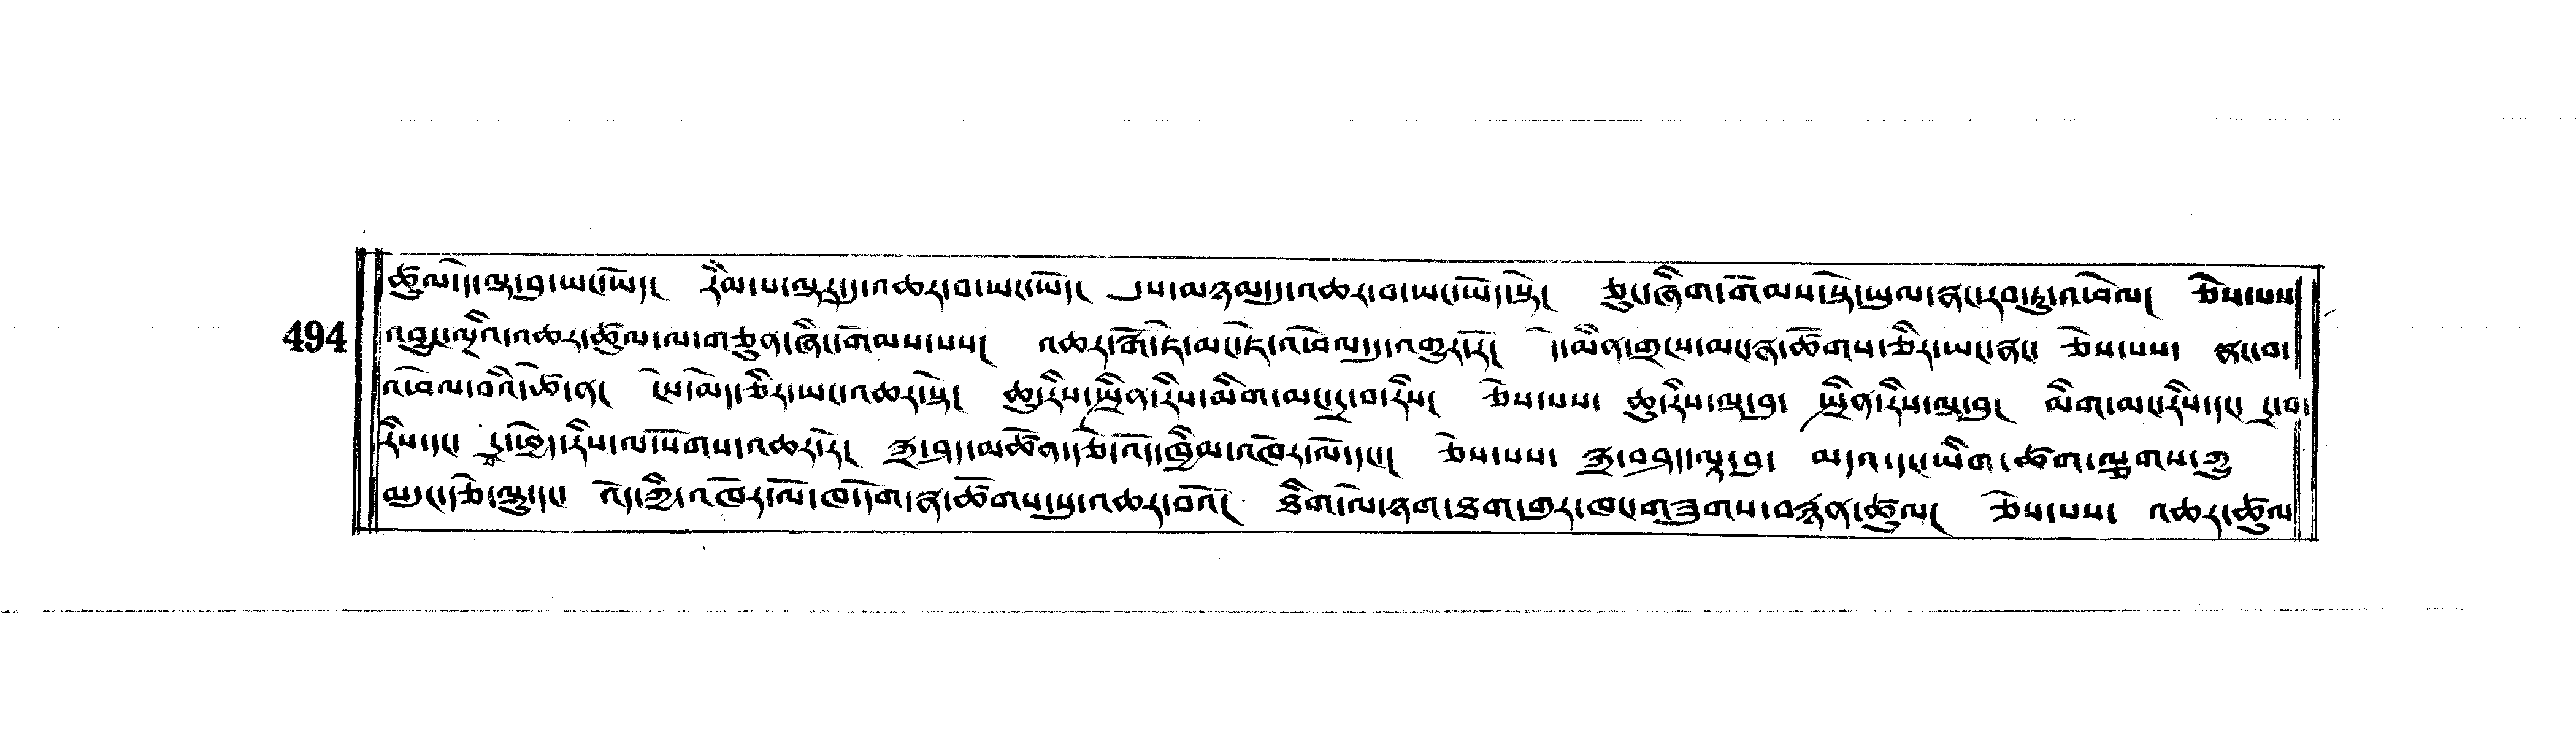ཚུལ་དེ་ལྟ་བུ་ཡང་ཡོད། རིམ་པ་ལྟར་དུ་འཆར་བ་ཡང་ཡོད། དུས་མཉམ་དུ་འཆར་བ་ཡང་ཡོད་སྟེ། ཅུང་ཞིག་གོམས་ཏེ་ཡུལ་སྣང་རབ་ཏུ་འཕེལ། ཅེས་པས། 
འབྱུང་ལྔའི་འཆར་ཚུལ་ལ་གཅུན་ཞིང་གོམས་པས་འཆར་སྒོ་ཇེ་མང་ཇེ་འཕེལ་དུ་འགྱུར་རོ། དེ་མིན་གྲངས་མང་སྣ་ཚོགས་ཅིར་ཡང་སྣང་། ཅེས་པས། སྣང་བ་
འཕེལ་བའི་ཚེ་ན། ངེས་མེད་ཅི་ཡང་འཆར་ཏེ། ཆུ་རིས་སྤྲིན་རིས་མིག་མངས་དྲ་བ་རིས། ཅེས་པས། ཆུ་རིས་ལྟ་བུ། སྤྲིན་རིས་ལྟ་བུ། མིག་མངས་རིས་དང་། དྲྭ་བ་
རིས་དང་། དྲྭ་ཕྱེད་རིས་ལ་སོགས་འཆར་རོ། སྐྲ་ཤད་མཚོན་རྩེ་འོད་ཁྱིམ་འཁོར་ལོ་དང་། ཅེས་པས། སྐྲ་ཤད་ལྟ་བུ། མདའ་དང་ཡིག་ཚགས་ལྕཀྱུ་
མདུང་རྩེ་ལྟ་བུ་དང་། འོད་ཀྱི་འཁོར་ལོ་ཁ་དོག་སྣ་ཚོགས་སུ་འཆར་བའོ། ཐིག་ལེ་ཉག་ཐག་གུར་ཁང་གཟུགས་བརྙན་ཚུལ། ཅེས་པས། འཆར་ཚུལ་